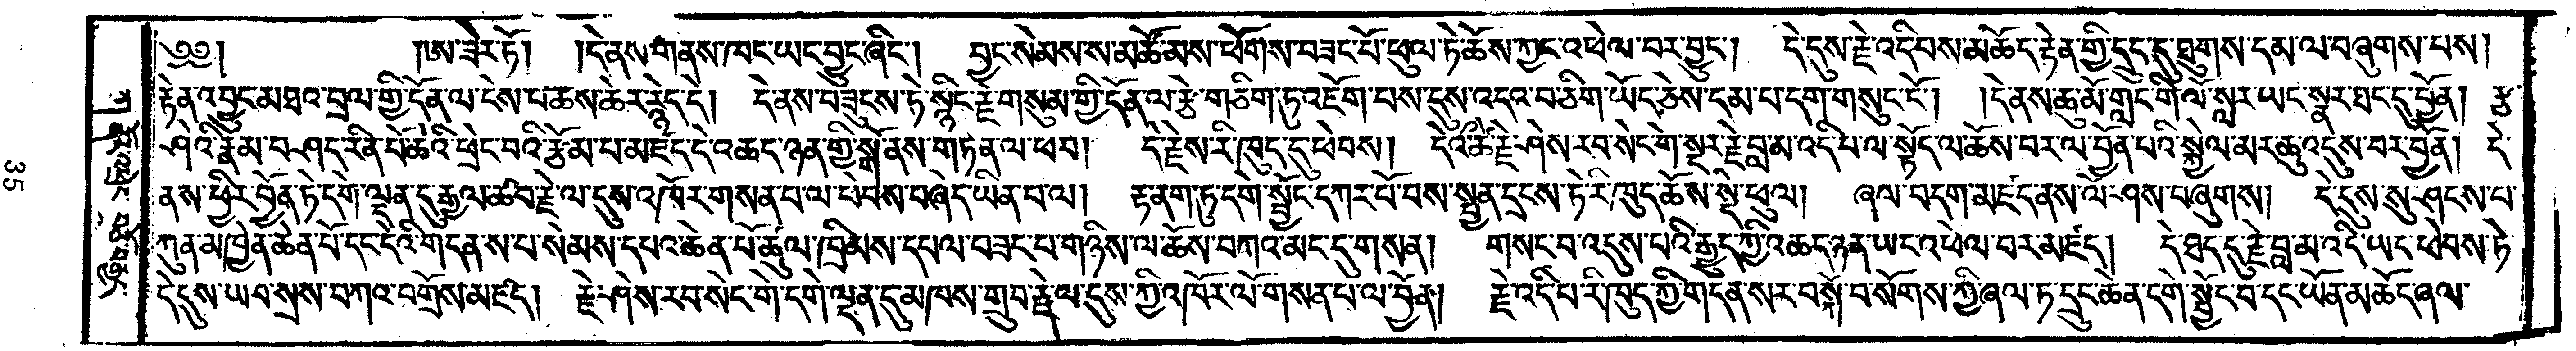༄༅། །ཨ་ཟེར་ཏོ། །དེ་ནས་གནས་ཁང་ཡང་བྱུང་ཞིང་། བྱང་སེམས་ས་མཚོ་མས་ཕོགས་བཟང་པོ་ཕུལ་ཏེ་ཆོས་ཀྱང་འཕེལ་བར་བྱུང་། དེ་དུས་རྗེ་འདི་བས་མཆོད་རྟེན་གྱི་དྲུང་དུ་ཐུགས་དམ་ལ་བཞུགས་པས།
རྟེན་འབྱུང་མཐའ་བྲལ་གྱི་དོན་ལ་ངེས་པ་ཆས་ཆེར་རྙེད་དེ། དེ་ནས་བཟུངས་ཏེ་སྙིང་རྗེ་གསུམ་གྱི་དོན་ལ་རྩེ་གཅིག་ཏུ་འཇོག་པས་དུས་འདའ་བ་ཅིག་ཡོད་ཅེས་དམ་པ་དག་གསུང་ངོ། །དེ་ནས་ཆུ་མོ་གླང་གི་ལོ་སླར་ཡང་སྣར་ཐང་དུ་བྱོན། རྩ་
ཤེའི་རྣམ་བཤད་རིན་པོ་ཆེའི་ཕྲེང་བའི་རྩོམ་པ་མཛད་དེ་འཆད་ཉན་གྱི་སྒོ་ནས་གཏན་ལ་ཕབ། དེ་རྗེས་རི་ཁུད་དུ་ཕེབས། དེའི་ཚེ་རྗེ་ཤེས་རབ་སེང་གེ་སྔར་རྗེ་བླ་མ་འདི་པ་ལ་སྟོད་ལ་ཆོས་བར་ལ་བྱོན་པའི་སྐྱེལ་མར་ཆུ་འདུས་པར་བྱོན། དེ་
ནས་ཕྱིར་བྱོན་ཏེ་དགེ་ལྡན་དུ་རྒྱལ་ཚབ་རྗེ་ལ་དུས་འཁོར་གསན་པ་ལ་ཕེབས་བཞེད་ཡིན་པ་ལ། རྟ་ནག་ཏུ་དགེ་སྦྱོང་དཀར་པོ་བས་སྤྱན་དྲངས་ཏེ་རི་ཁུད་ཆོས་སྡེ་ཕུལ། ཞལ་བདག་མཛད་ནས་ལོ་ཤས་བཞུགས། དེ་དུས་སུ་ཤངས་པ་
ཀུན་མཁྱེན་ཆེན་པོ་དང་དེའི་གདན་ས་པ་སེམས་དཔའ་ཆེན་པོ་ཚུལ་ཁྲིམས་དཔལ་བཟང་པ་གཉིས་ལ་ཆོས་བཀའ་མང་དུ་གསན། གསང་བ་འདུས་པའི་རྒྱུད་ཀྱི་འཆད་ཉན་ཡང་འཕེལ་བར་མཛད། དེ་ཐད་དུ་རྗེ་བླ་མ་འདི་ཡང་ཕེབས་ཏེ་
དེ་དུས་ཡབ་སྲས་བཀའ་བགྲོས་མཛད། རྗེ་ཤེས་རབ་སེང་གེ་དགེ་ལྡན་དུ་མཁས་གྲུབ་རྗེ་ལ་དུས་ཀྱི་འཁོར་ལོ་གསན་པ་ལ་བྱོན། རྗེ་འདི་པ་རི་ཁུད་ཀྱི་གདན་སར་བསྐོ་བ་སོགས་ཀྱི་ཞལ་ཏ་དྲུང་ཆེན་དགེ་སྦྱོང་བ་དང་ཡོན་མཆོད་ཞལ་